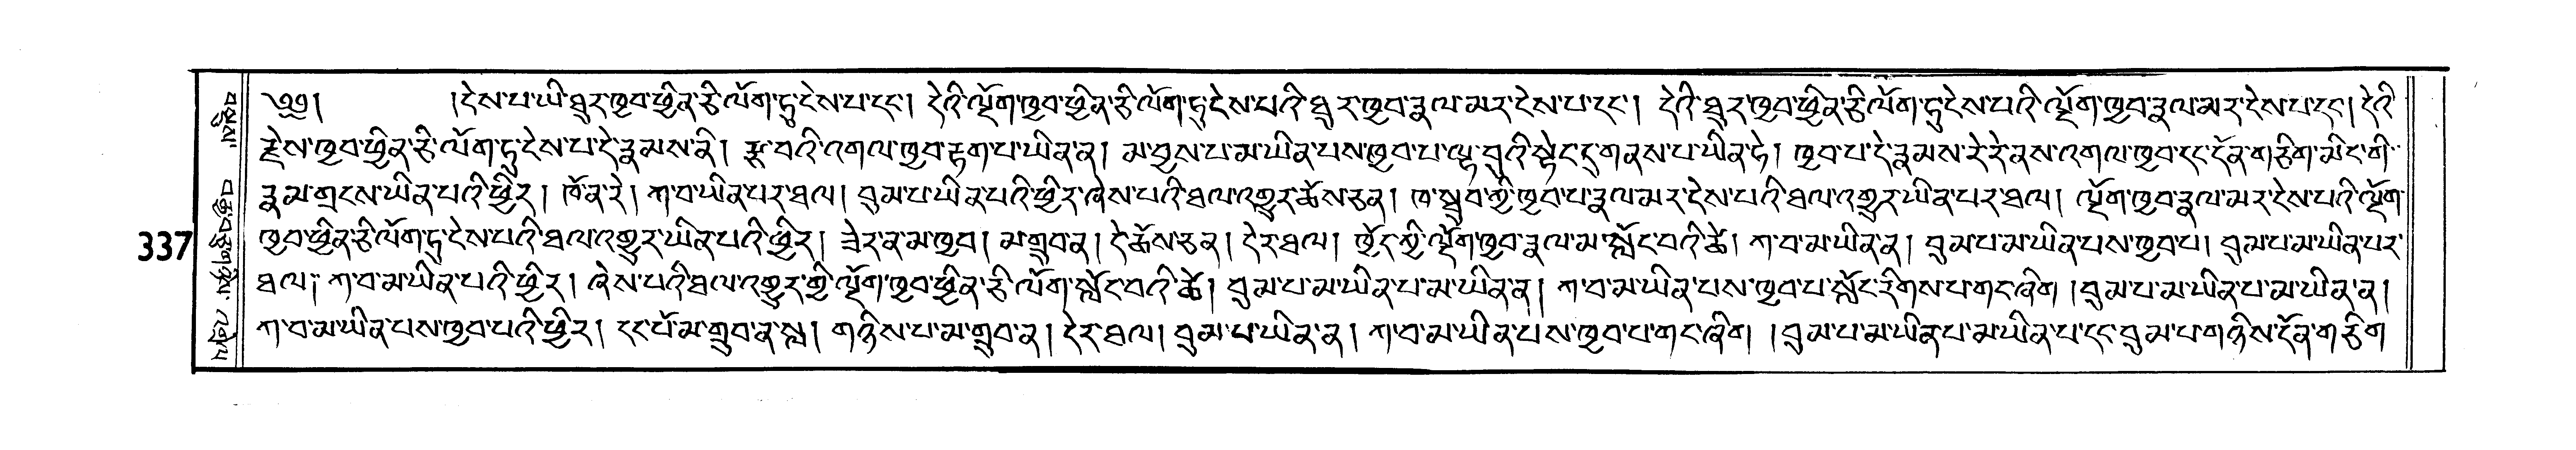༄༅། །ངེས་པ་ཡི་ཐུར་ཁྱབ་ཕྱིན་ཅི་ལོག་ཏུ་ངེས་པ་དང་། དེའི་ལྡོག་ཁྱབ་ཕྱིན་ཅི་ལོག་ཏུ་ངེས་པའི་ཐུར་ཁྱབ་རྣལ་མར་ངེས་པ་དང་། དེའི་ཐུར་ཁྱབ་ཕྱིན་ཅི་ལོག་ཏུ་ངེས་པའི་ལྡོག་ཁྱབ་རྣལ་མར་ངེས་པ་དང་། དེའི་
རྗེས་ཁྱབ་ཕྱིན་ཅི་ལོག་ཏུ་ངེས་པ་དེ་རྣམས་ནི། རྩ་བའི་འགལ་ཁྱབ་རྟག་པ་ཡིན་ན། མ་བྱས་པ་མ་ཡིན་པས་ཁྱབ་པ་ལྟ་བུའི་སྟེང་དུ་གནས་པ་ཡིན་ཏེ། ཁྱབ་པ་དེ་རྣམས་རེ་རེ་ནས་འགལ་ཁྱབ་དང་དོན་གཅིག་མིང་གི་
རྣམ་གྲངས་ཡིན་པའི་ཕྱིར། ཁོ་ན་རེ། ཀ་བ་ཡིན་པར་ཐལ། བུམ་པ་ཡིན་པའི་ཕྱིར་ཞེས་པའི་ཐལ་འགྱུར་ཆོས་ཅན། ཁ་སྦུབ་ཀྱི་ཁྱབ་པ་རྣལ་མར་ངེས་པའི་ཐལ་འགྱུར་ཡིན་པར་ཐལ། ལྡོག་ཁྱབ་རྣལ་མར་ངེས་པའི་ལྡོག་
ཁྱབ་ཕྱིན་ཅི་ལོག་ཏུ་ངེས་པའི་ཐལ་འགྱུར་ཡིན་པའི་ཕྱིར། །ཟེར་ན་མ་ཁྱབ། མ་གྲུབ་ན། དེ་ཆོས་ཅན། དེར་ཐལ། ཁྱོད་ཀྱི་ལྡོག་ཁྱབ་རྣལ་མ་སློང་བའི་ཚེ། ཀ་བ་མ་ཡིན་ན། བུམ་པ་མ་ཡིན་པས་ཁྱབ་པ། བུམ་པ་མ་ཡིན་པར་
ཐལ༑ ཀ་བ་མ་ཡིན་པའི་ཕྱིར། ཞེས་པའི་ཐལ་འགྱུར་གྱི་ལྡོག་ཁྱབ་ཕྱིན་ཅི་ལོག་སློང་བའི་ཚེ། བུམ་པ་མ་ཡིན་པ་མ་ཡིན་ན། ཀ་བ་མ་ཡིན་པས་ཁྱབ་པ་སློང་རིགས་པ་གང་ཞིག །བུམ་པ་མ་ཡིན་པ་མ་ཡིན་ན།
ཀ་བ་མ་ཡིན་པས་ཁྱབ་པའི་ཕྱིར། དང་པོ་མ་གྲུབ་ན་སླ། གཉིས་པ་མ་གྲུབ་ན། དེར་ཐལ། བུམ་པ་ཡིན་ན། ཀ་བ་མ་ཡིན་པས་ཁྱབ་པ་གང་ཞིག །བུམ་པ་མ་ཡིན་པ་མ་ཡིན་པ་དང་བུམ་པ་གཉིས་དོན་གཅིག་